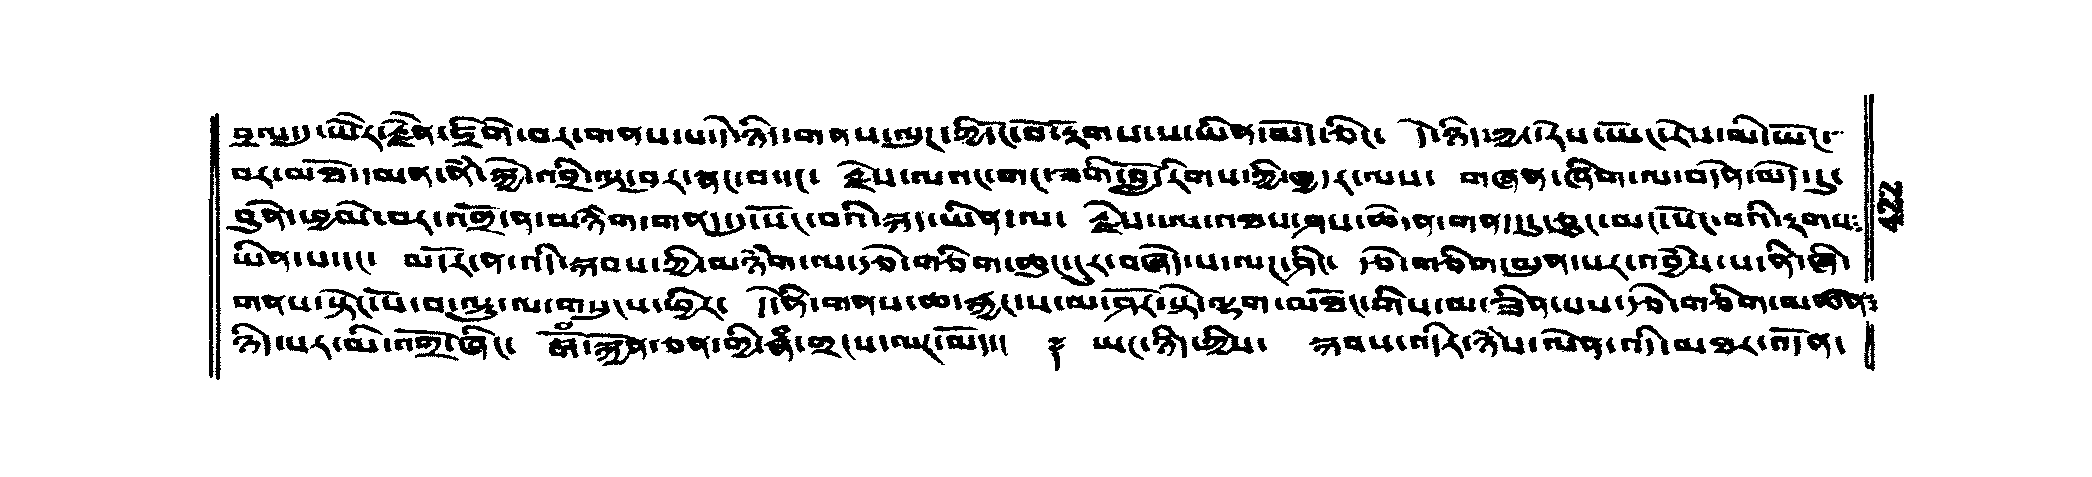བྲལ་དུ་ཡེར་རེ་རྗེན་ནེ་ཧྲིག་གེ་བར་གནས་པ་དེ་ཉིད་གནས་ལུགས་ཀྱི་ངོ་བོ་རྟོགས་པ་ཡིན་མོད་ཅིང་། དེ་ཉིད་ཀྱང་རེ་ཡོང་རེ་མི་ཡོང་
བར་མཐོ་དམན་ནམ་སྐྱེ་འབྲི་ལྟ་བུར་སྣང་བ་དང་། རྗེས་ལའང་གང་ཟག་གི་བློ་རིགས་ཀྱི་ཁྱད་པར་ལས། གཞན་ཞིག་ལ་བདེན་མེད་དུ་
བུན་ནེ་ཕྱམ་མེ་བར་འགྲོ་ན་མཉམ་གཞག་གནད་དུ་སོང་བའི་སྐད་ཡིན་ལ། རྗེས་ཨ་འཐས་ཤས་ཆེ་ན་གནད་དུ་ཅུང་མང་སོང་བའི་རྟགས་
ཡིན་པ་དང་། མདོར་ན་འདི་སྐབས་ཀྱི་མཉམ་གཞག་ལ་རྩེ་གཅིག་ཆུང་ངུར་བཞེད་པ་ལགས་ཤིང་། རྩེ་གཅིག་མུན་པར་འབྱམས་པ་ནི་ཞི་
གནས་སྟོང་པོ་བ་ལྟ་བུ་ལ་གསུངས་ཕྱིར། དེ་ནི་གནས་ཆ་རྐྱང་པ་མ་ཤོར་སྟེ་ལྷག་མཐོང་གིས་མ་ཟིན་པས་རྩེ་གཅིག་མཚན་
ཉིད་པར་མི་འགྲོ་ཞིང་། སྒོམ་སྐྱོན་ཅན་གྱི་རྣམ་གྲགས་ལགས་མོད། ༈ ཡང་ཉིད་ཀྱིས། སྐབས་འདིར་ཉམས་ལེན་འདི་མཐར་འདོན་